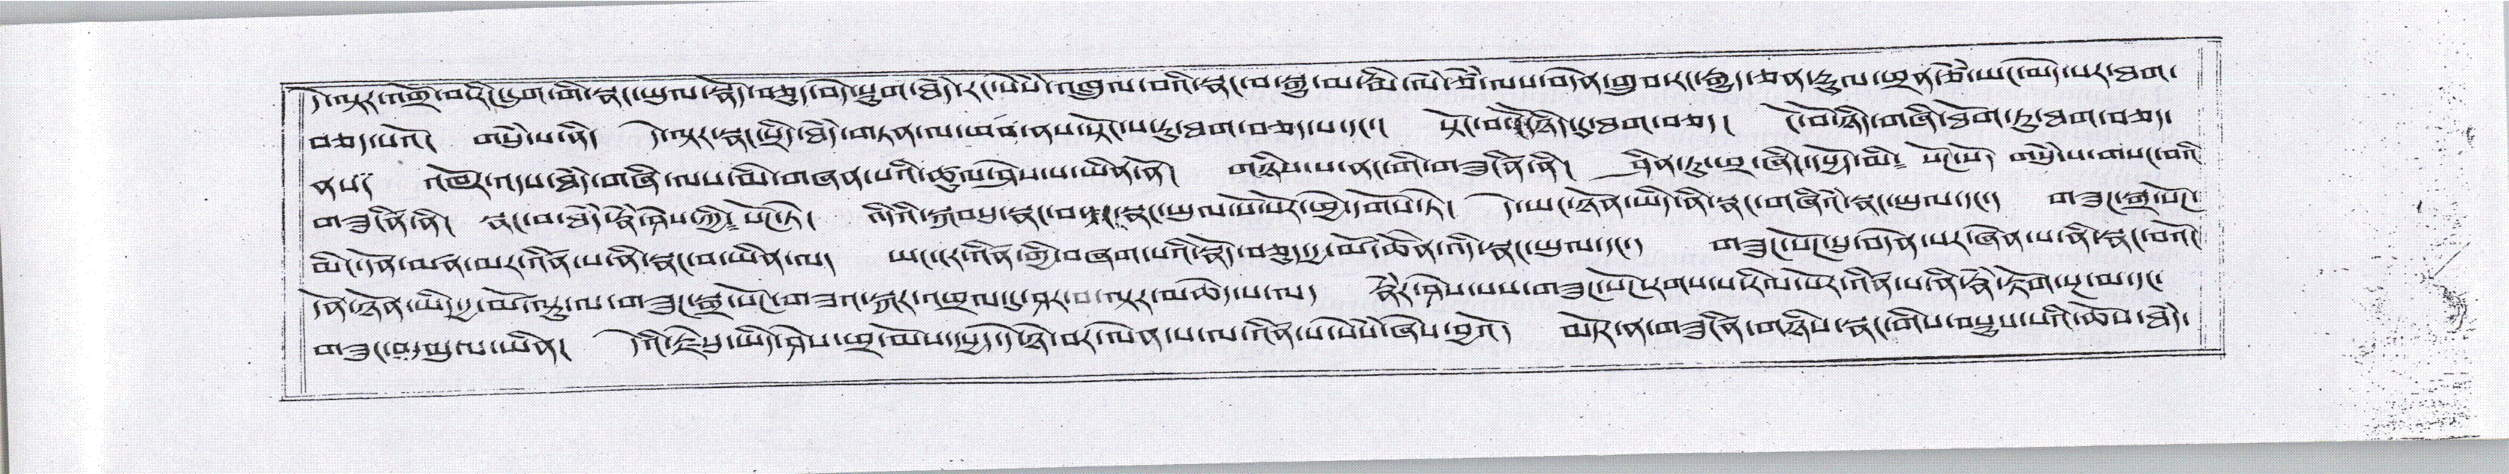དེ་ལྟར་འགྲོ་བ་རིགས་དྲུག་གི་སྣང་ཡུལ་སྣོད་བཅུད་བདེ་སྡུག་ཐམས་ཅད་རང་སེམས་འཁྲུལ་པའི་སྣང་བ་སྒྱུ་མ་རྨི་ལམ་ཙམ་ལས་བདེན་གྲུབ་རང་རྒྱུད་ཙམ་དུ་རྡུལ་ཕྲན་ཙམ་ཡང་མེད་པར་ཐག་
བཅད་པའོ། གསུམ་པ་ནི་དེ་ལྟར་སྣང་སྲིད་ཐམས་ཅད་གཏན་ལ་ཕབ་ནས་སྟོང་པ་རུ་ཐག་བཅད་པ་དང་། སྟོང་པ་ངོ་བོ་ཉིད་དུ་ཐག་བཅད། ངོ་བོ་ཉིད་གཞི་ཐོག་ཏུ་ཐག་བཅད་
ནས། འཁོར་འདས་ཐམས་ཅད་གཞི་ལས་མི་གཞན་པའི་ཚུལ་ཤེས་པ་ཡིན་ནོ། གཉིས་པ་ནང་གི་གཟུང་འཛིན་ནི། ཤིན་ཏུ་ཕྲ་ཞིང་དཔྱོད་མི་སོགས་སོ། གསུམ་པ་གསང་བའི་
གཟུང་འཛིན་ནི། སྣང་བ་ཐམས་ཅད་རྣམ་ཤེས་ཀྱི། སོགས་ཏེ། འདིའི་སྐབས་སུ་སྣང་བ་དང་སྣང་ཡུལ་སོ་སོར་ཕྱེ་དགོས་ཏེ། དེ་ཡང་ཉོན་ཡིད་ནི་སྣང་གཞིའི་ཡུལ་དང་། གཟུགས་སྒྲ་སོགས་
མིང་དོན་མཚན་མར་འཛིན་པ་ནི་སྣང་བ་ཡིན་ལ། ཡང་ངར་འཛིན་གྱིས་བཞག་པའི་སྣོད་བཅུད་རྒྱ་མཚོ་ཆེན་པོ་འདི་སྣང་ཡུལ་དང་། གཟུགས་སོགས་སུ་བདེན་པར་ཞེན་པ་ནི་སྣང་བའོ། 
དོན་ཉོན་ཡིད་རྒྱ་མཚོ་ལྟ་བུ་ལ་གཟུགས་སྒྲ་སོགས་གཟའ་སྐར་འཕྲལ་དུ་ཤར་བ་ལྟར་མཆེད་པ་ལ། རྣམ་པར་ཤེས་པས་གཟུགས་སོགས་རགས་པ་རིལ་པོར་འཛིན་པ་ནི་རྣམ་རྟོག་སྔ་མ་དང་
གཟུང་བ་ཡུལ་ཡིན། དེའི་རྗེས་སུ་ཡིད་ཤེས་ཕྲ་མོས་དཔྱད་དེ་ཉེ་བར་ལེན་པ་ལ་འཛིན་པ་སེམས་ཞེས་བྱའོ། མདོར་ན་གཟུང་འཛིན་གཉིས་སྣང་གིས་བསྡུས་པའི་ཆོས་ཐམས་ཅད་